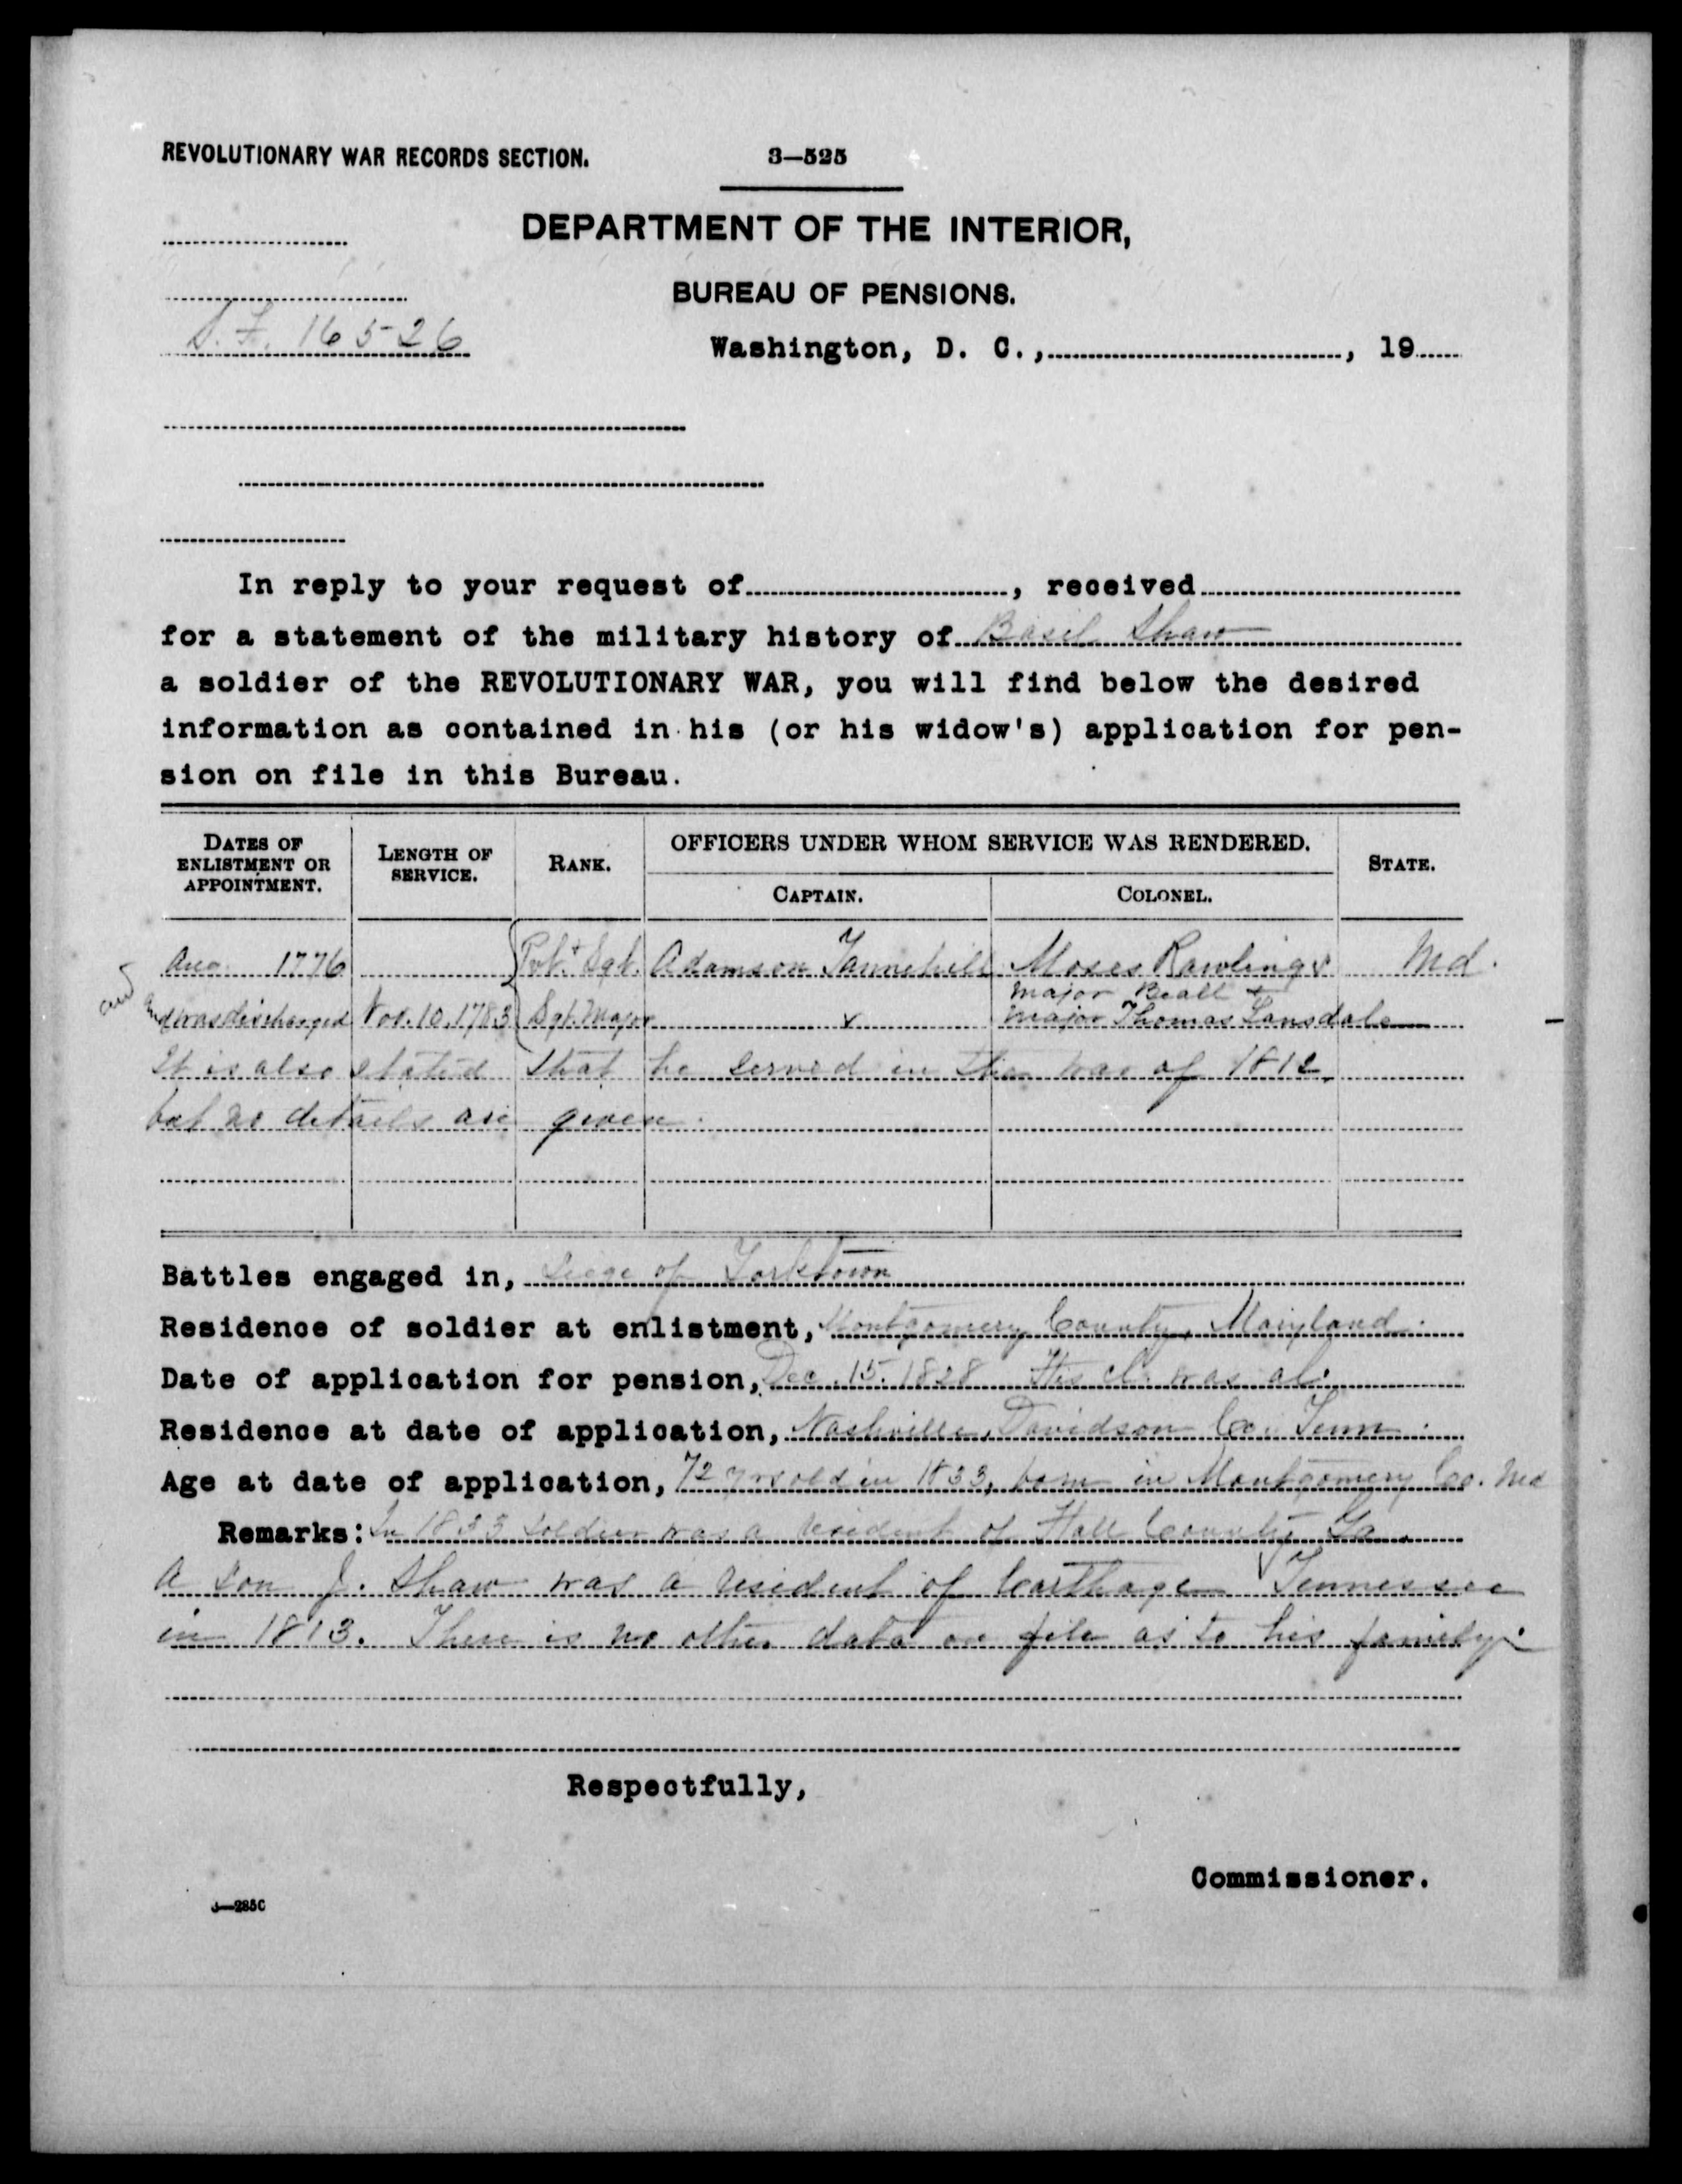REVOLUTIONARY WAR RECORDS SECTION.
3-525
DEPARTMENT OF THE INTERIOR,
BUREAU OF PENSIONS.
Washington, D. C.,  ,  19
S.F. 163-26

In reply to your request of ___, received ___
for a statement of the military history of Basil Shaw a soldier of the REVOLUTIONARY WAR, you will find below the desired information as contained in his (or his widow's) application for pension on file in this Bureau.

DATES OF ENLISTMENT OR APPOINTMENT. | LENGTH OF SERVICE. | RANK. | OFFICERS UNDER WHOM SERVICE WAS RENDERED. | STATE.
 | | | CAPTAIN. | COLONEL. | 
Aug. 1776 and was discharged It is also stated that he served in the War of 1812 but no details are given.
CW [initials in margin] | Nov. 10, 1783 | Pvt & Sgt. | Adamson Tannehill | Moses Rawlings | Md.
 | | Sgt. Major| " | Major Beall & Major Thomas Lansdale | 

Battles engaged in, Siege of Yorktown
Residence of soldier at enlistment, Montgomery County, Maryland.
Date of application for pension, Dec 15 1828 This cl. was al.
Residence at date of application, Nashville, Davidson Co., Tenn.
Age at date of application, 72 yrs old in 1835, born in Montgomery Co. Md
Remarks: In 1835 soldier was a resident of Hall County Ga. A son J. Shaw was a resident of Carthage Tennessee in 1813. There is no other data on file as to his family.
Respectfully,
Commissioner.
J-285C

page: 32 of 32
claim: survivor's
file: S. 16,526, for Basil Shaw, Maryland